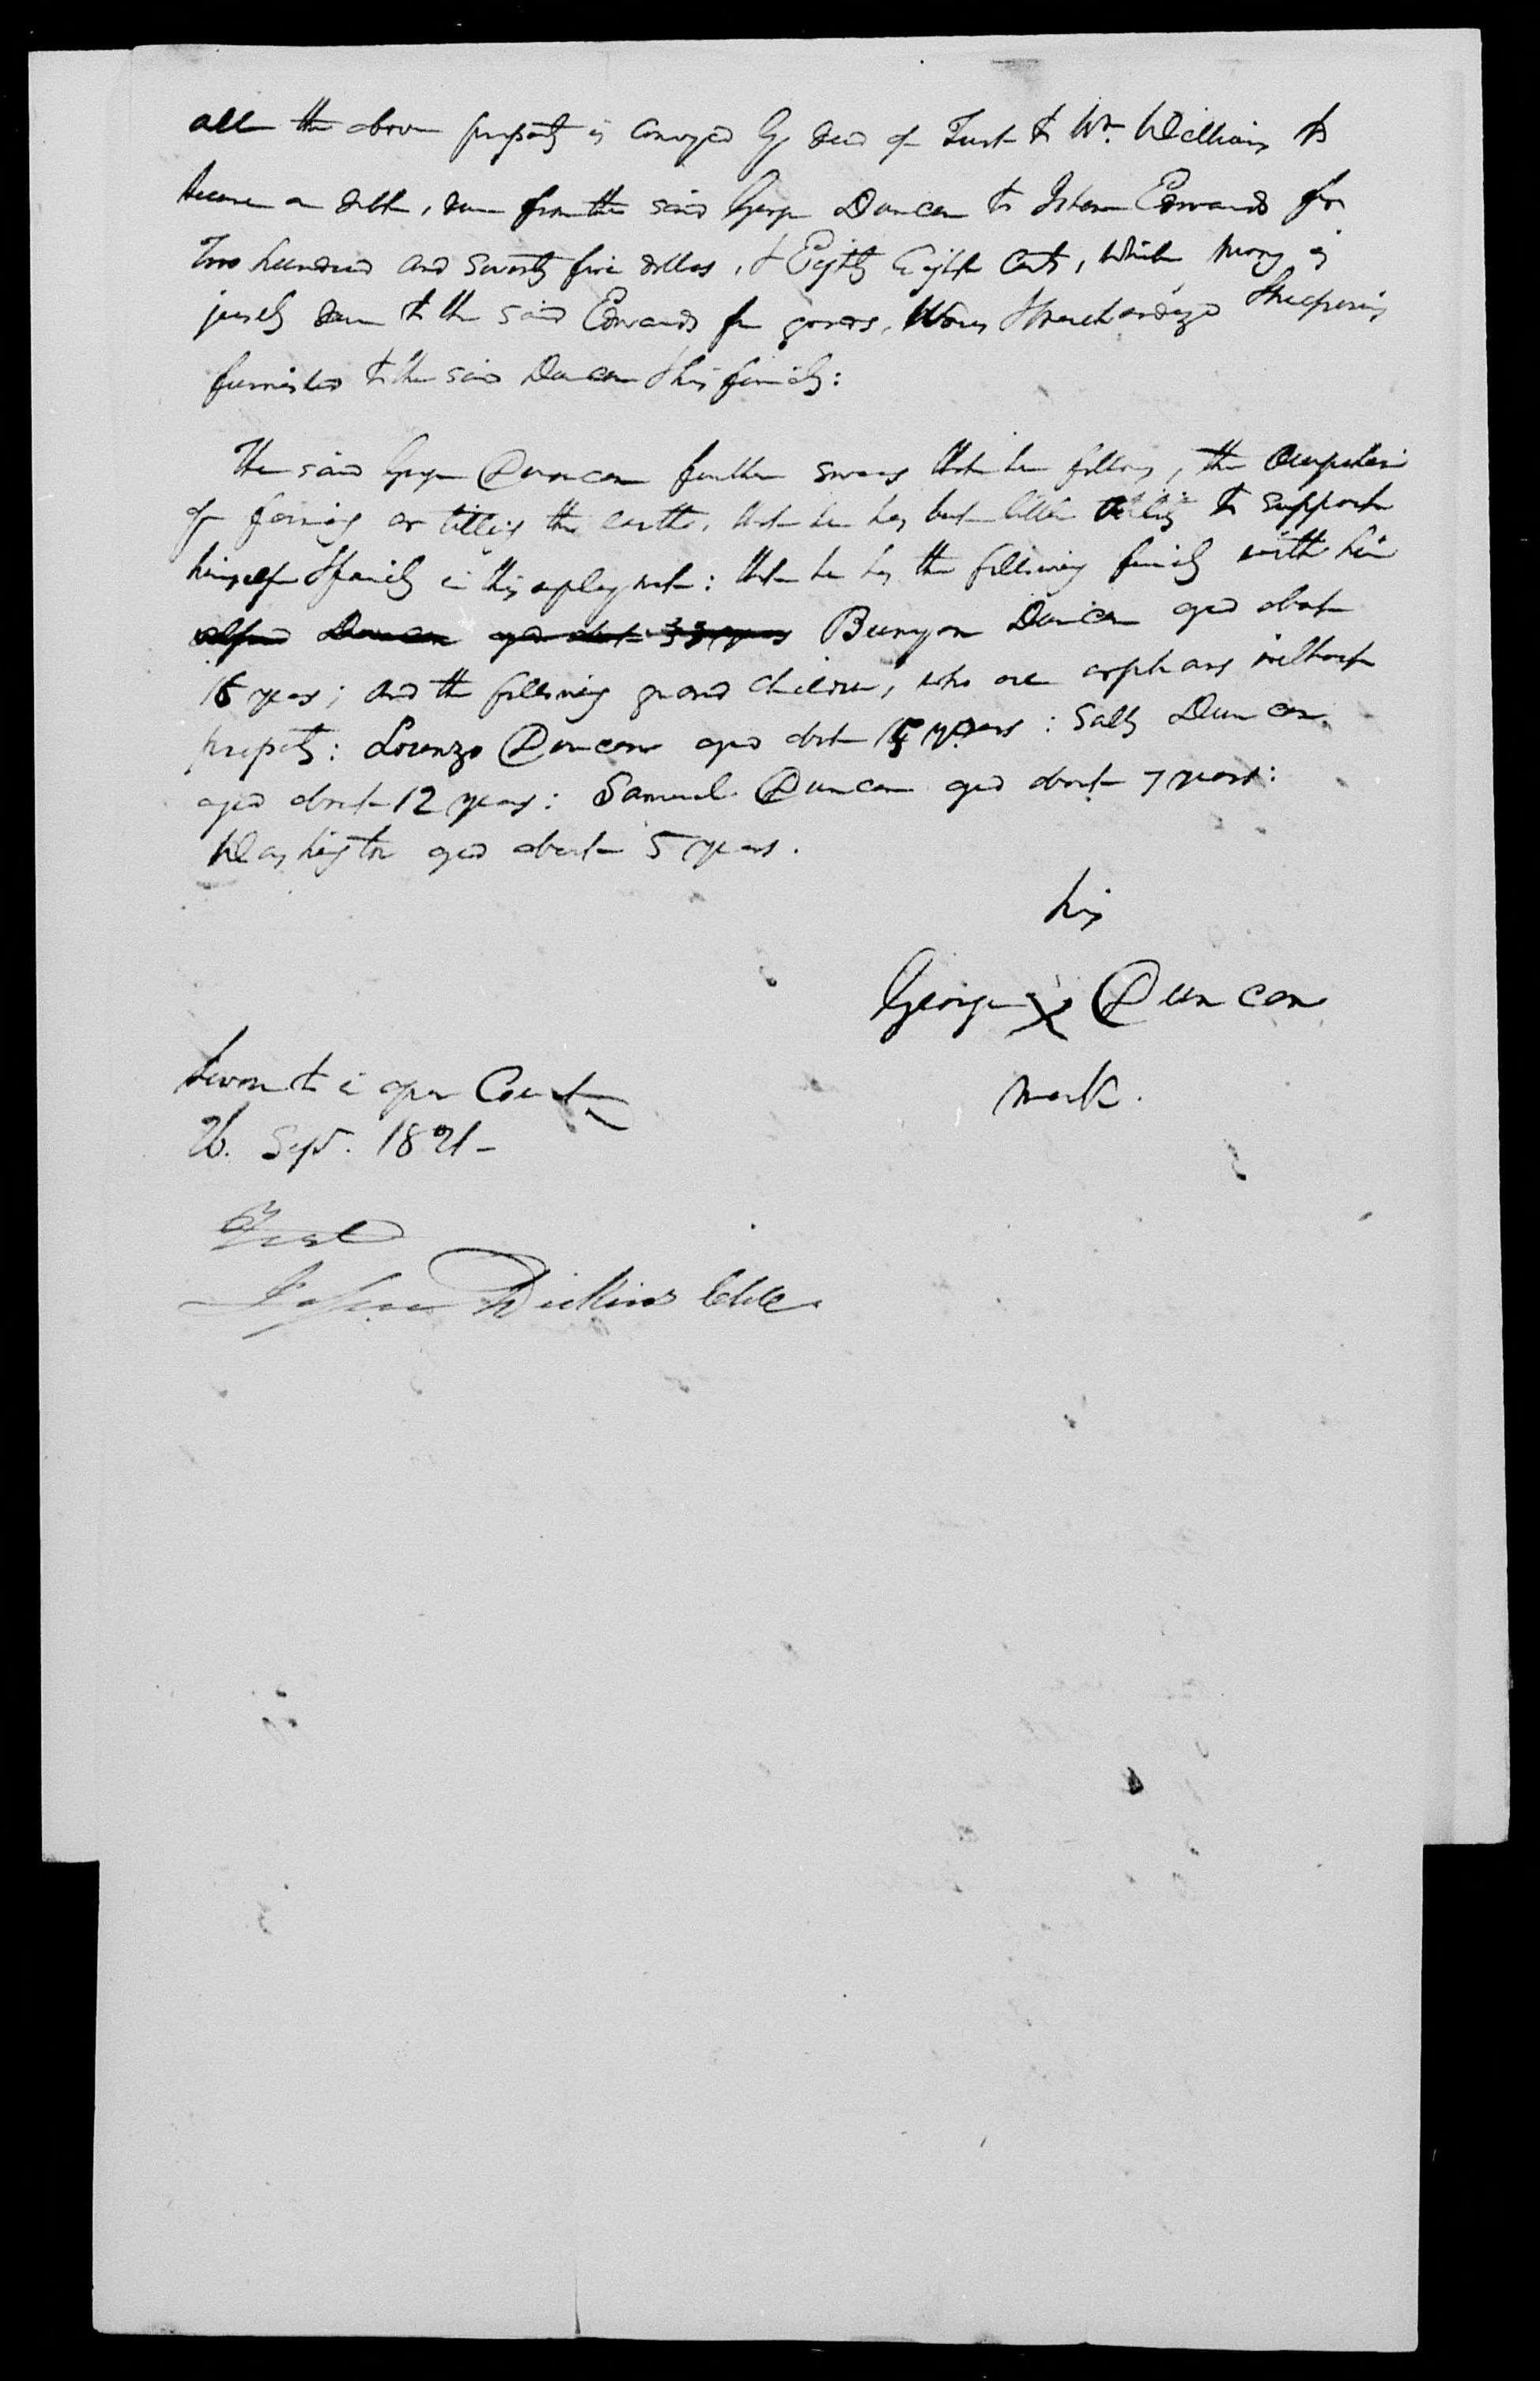all the above property is conveyed by deed of Trust to William Williams to [illegible] a debt  [illegible] from the said George Duncan to John Edwards for Two hundred and seventy five dollars, and Eighty Eight cents, which money and [illegible] [illegible] to the said Edwards for goods, sundry merchandizes [illegible] furnished to the said Duncan and his family:

The said George Duncan further swears that the  follows the occupation of farming or tilling the earth, that he has but little ability to support himself and family in this employment: that he has the following family with him Bunyan Duncan aged about 15 years; and the following grand children, who are orphans without  property: Lorenzo Duncan aged about 15 years: Sally Duncan aged about 12 years: Samuel Duncan aged about 7 years: Washington aged about 5 years.
George his X mark Duncan
Sworn to in open Court
26. September 1821-
Attest
Jesse Dickins Clerk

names: John Edwards, George Duncan, George Duncan, Buryon Duncan, George Duncan, Edwards, Sally Duncan, Wm Williams, Samuel Duncan, Lorenzo Duncan, Duncan, Jessee Dickins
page: 46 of 49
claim: survivor's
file: S. 41513, George Duncan, N.C.